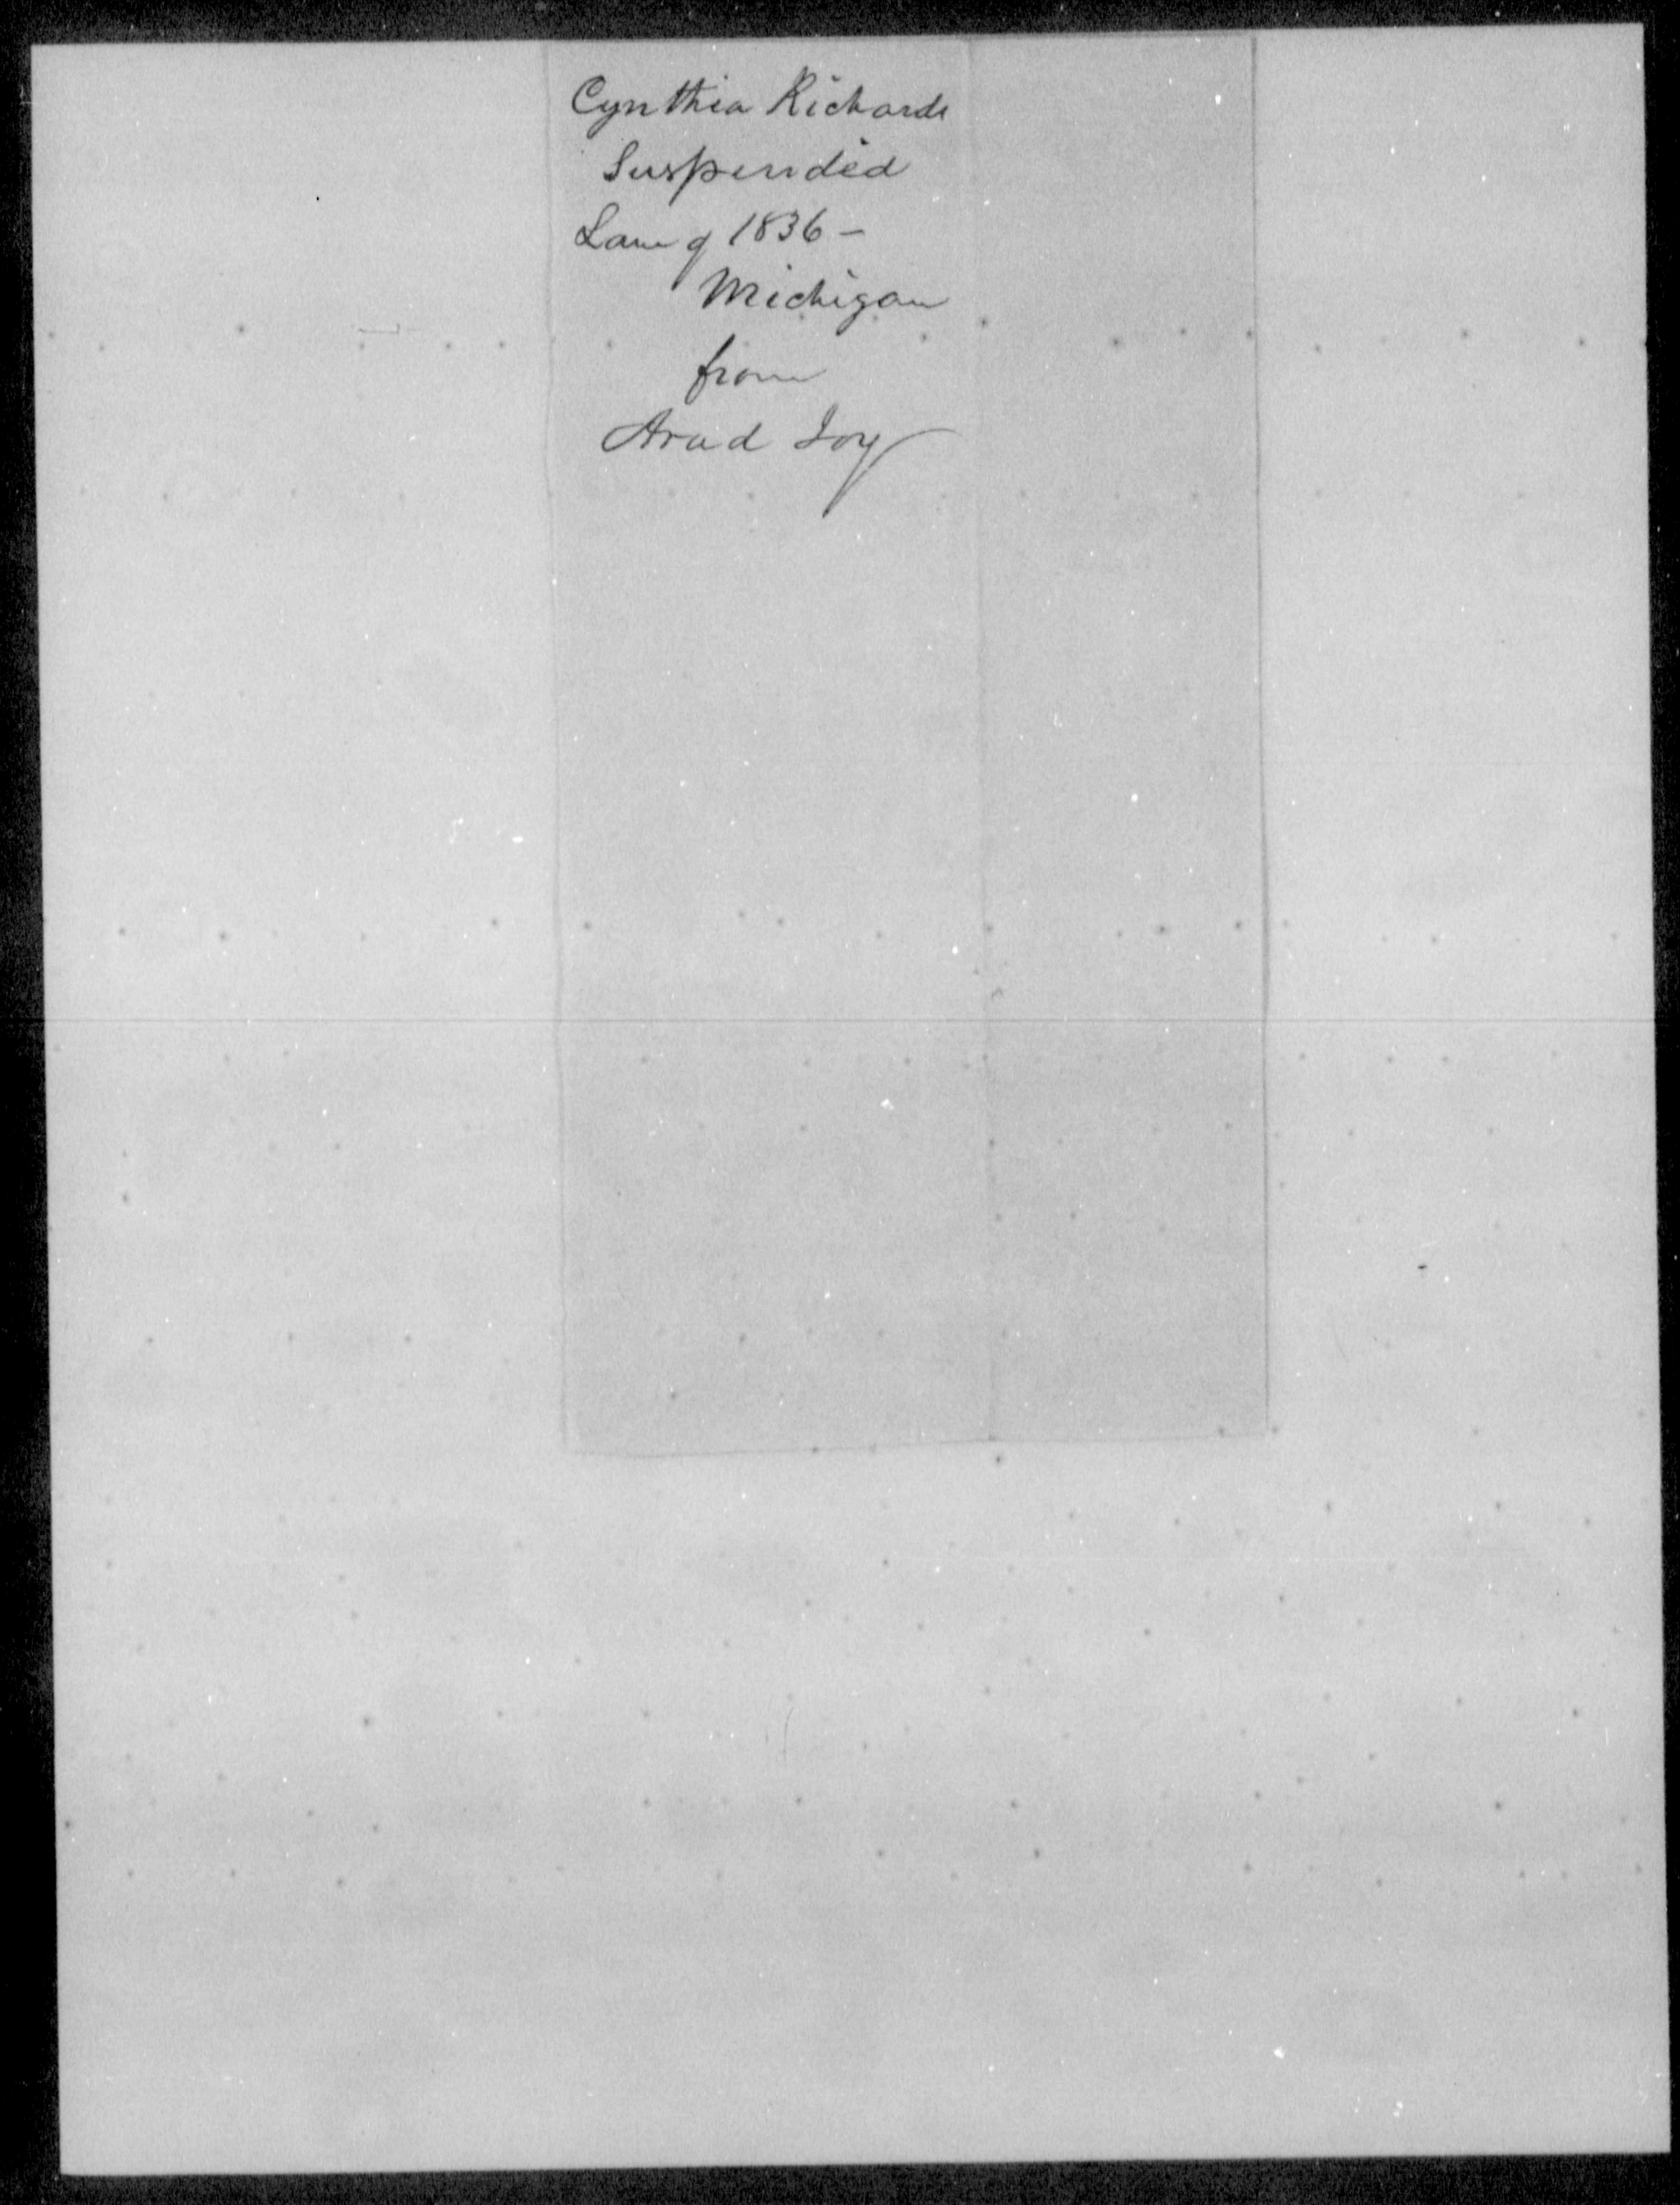Cynthia Richards
Suspendid [SUSPENDED]
Law of 1836 -
Michigan
from
Arad Joy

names: Arad Joy; Cynthia Richards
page: 84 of 109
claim: widow's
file: W. 5709, for Thomas Richards, New Hampshire